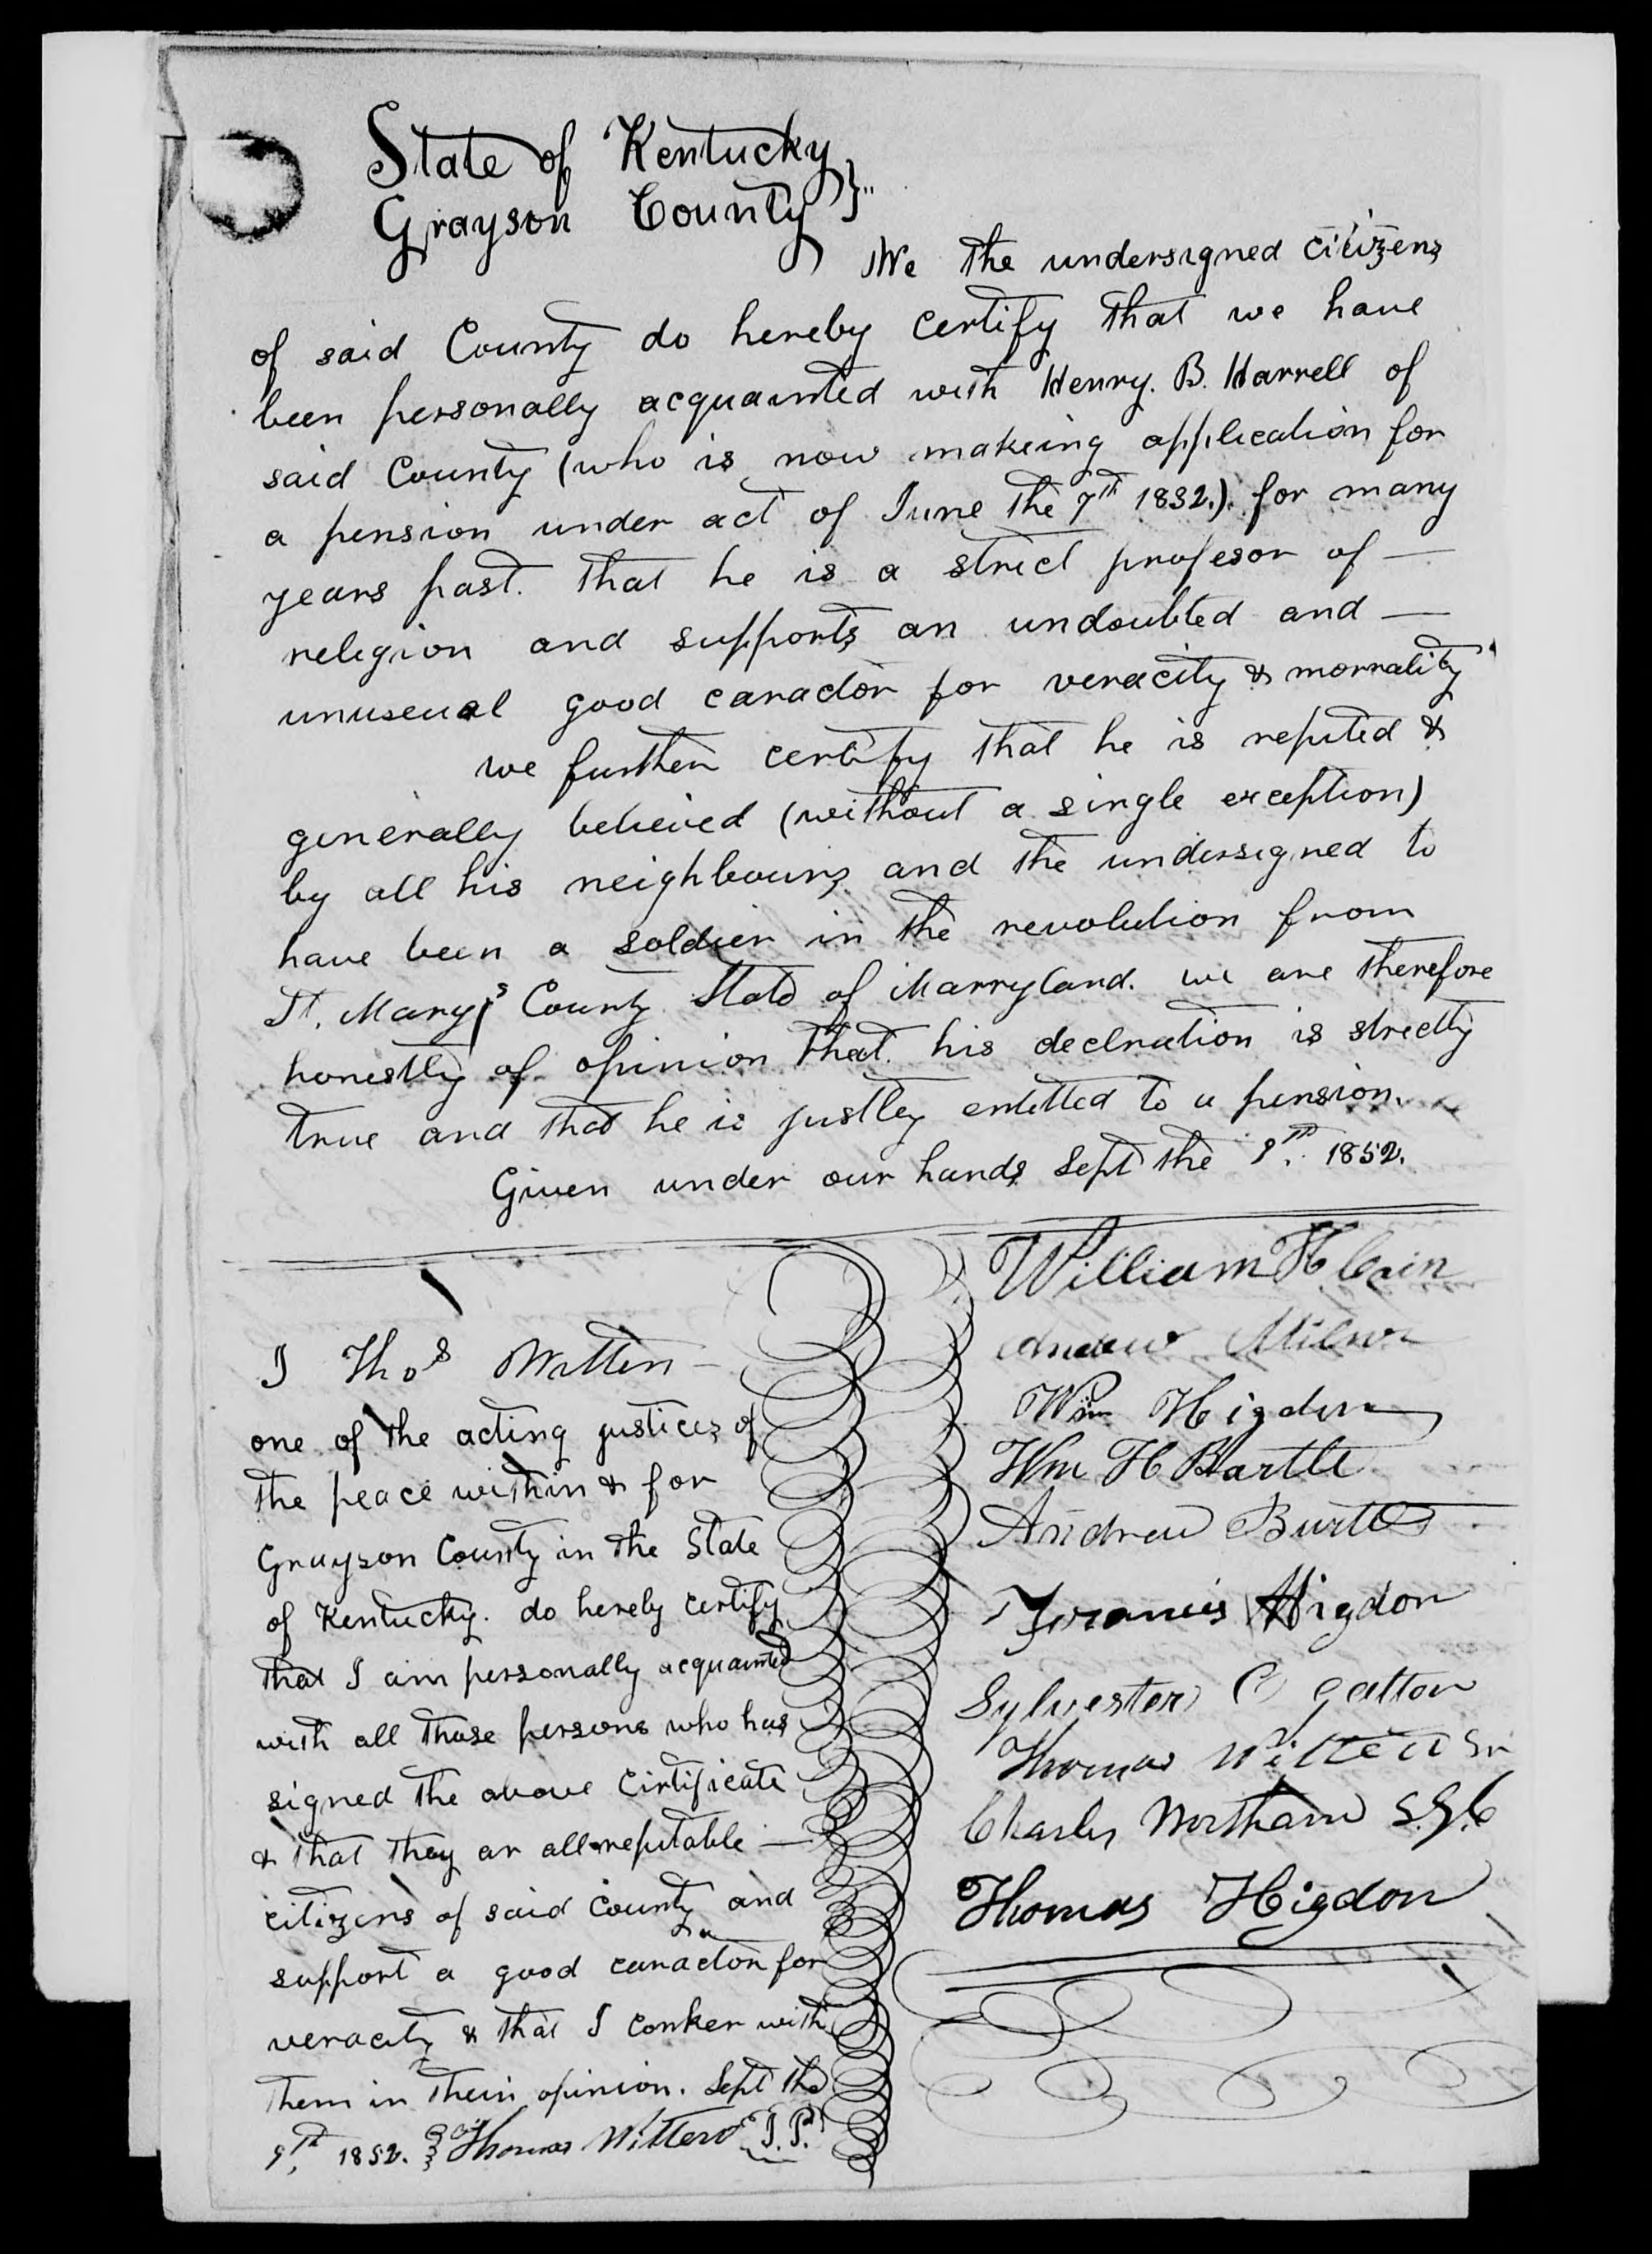State of Kentucky
Grayson County
We the undersigned citizens of said County do hereby certify that we have been personally acquainted with Henry B. Harrell of said County (who is now making application for a pension under act of June the 9th, 1832) for many years past.  That he is a strict person of religion and supports an undoubted and unusual good character for veracity & morality.
We further certify that he is reputed & generally believed (without a single exception) by all his neighbors and the undersigned to have been a Soldier in the revolution from St. Mary's County, State of Maryland. We are therefore honestly of opinion that his declaration is strictly true and that he is justly entitled to a pension.
Given under our hands Sept. the 9th, 1852.
I Thomas Witten, one of the acting justices of the peace within & for Grayson County in the State of Kentucky do hereby certify that I am personally acquainted with all these persons who had signed the above certificate & that they are all reputable citizens of said County and support a good character for veracity and that I confer with them in their opinion.
Sept. the 9th, 1852.
Thomas Witten, J. P.

William H. Cain
Andrew Milner
Wm. Higdon
Wm H. Bartle
Andrew Burto
Francis Higdon
Sylvester O Gatton
Thomas Witten
Charles Wortham
Thomas Higdon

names: Charles Wortham, Sylvester O Gatton, Thomas Witten, Henry B Harrell, Thos Witten, Andew Milner, Wm H Bartle, Francis Higdon, Wm Higdon, Andrew Burto, William H Cain, Thomas Higdon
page: 9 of 15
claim: rejected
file: R. 5234, Henry B Horrell, Md.